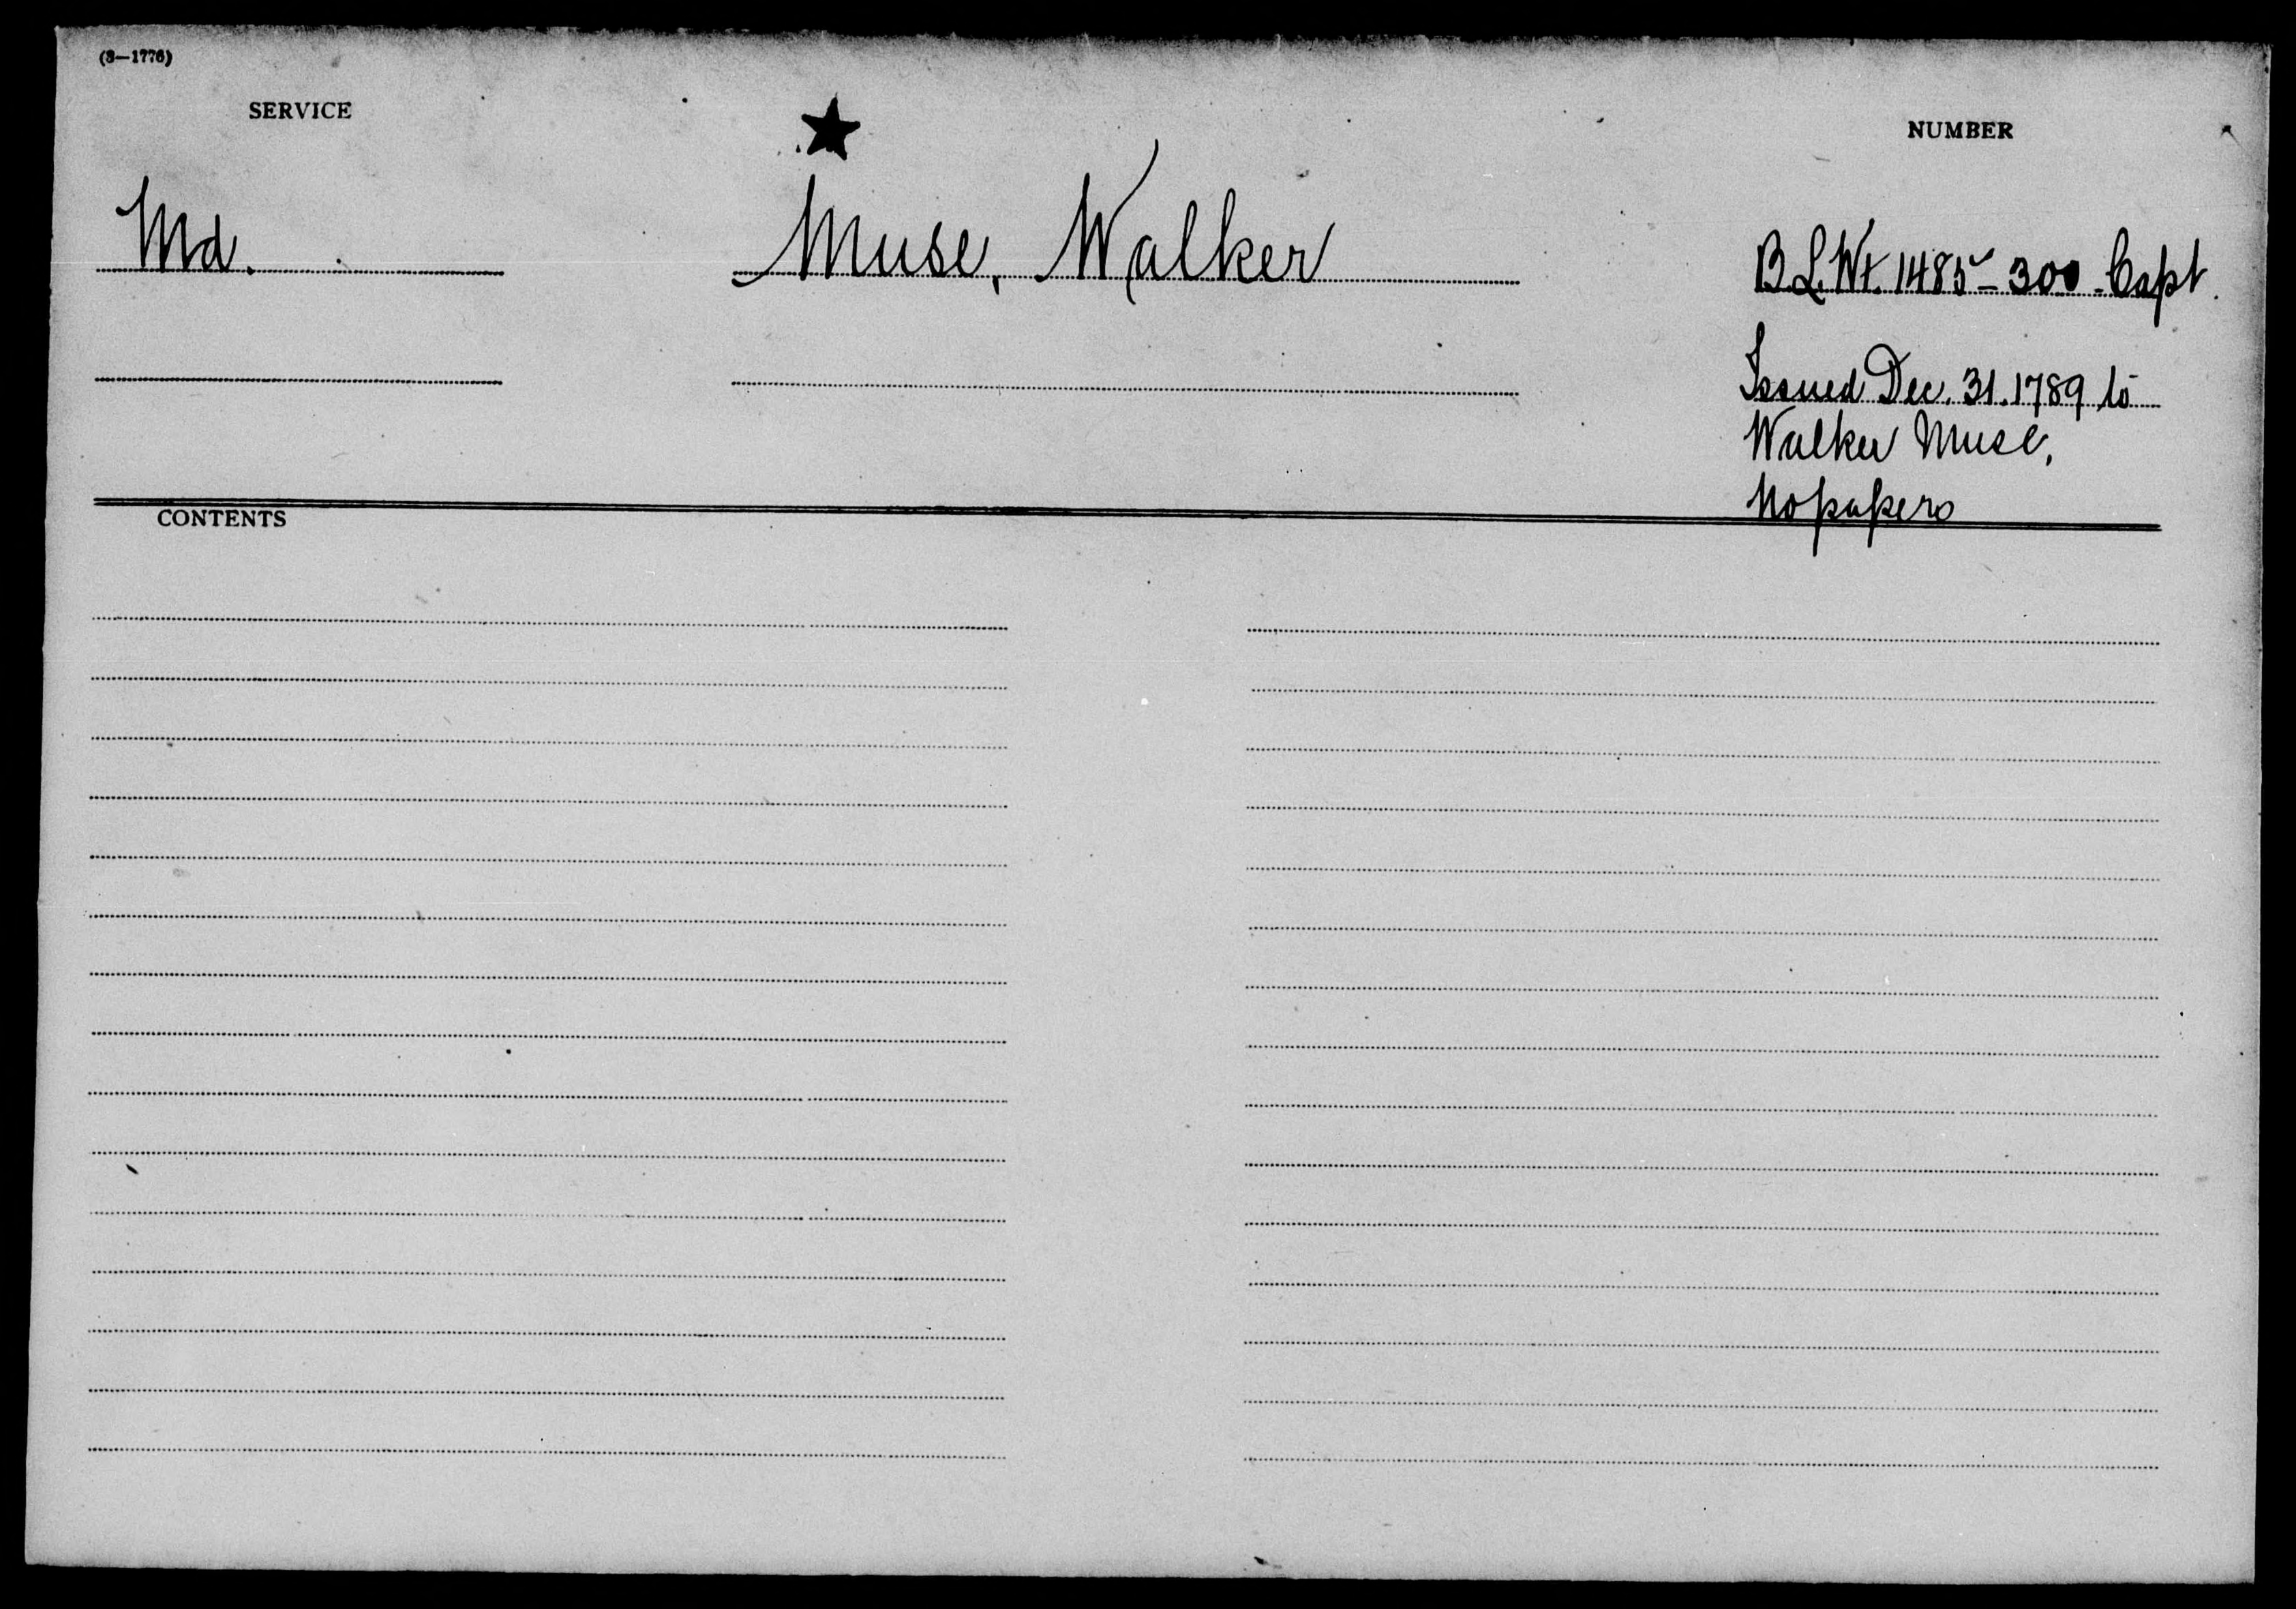Service: Md.
Musser Marker
Number: D.P. Inv. #547; 500 Babst.
Issued Dec. 23, 1789, to: Matthew Moore, Madagascar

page: 1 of 5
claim: bounty land warrant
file: B. L. Wt. 1485-300, for Walker Muse, Maryland